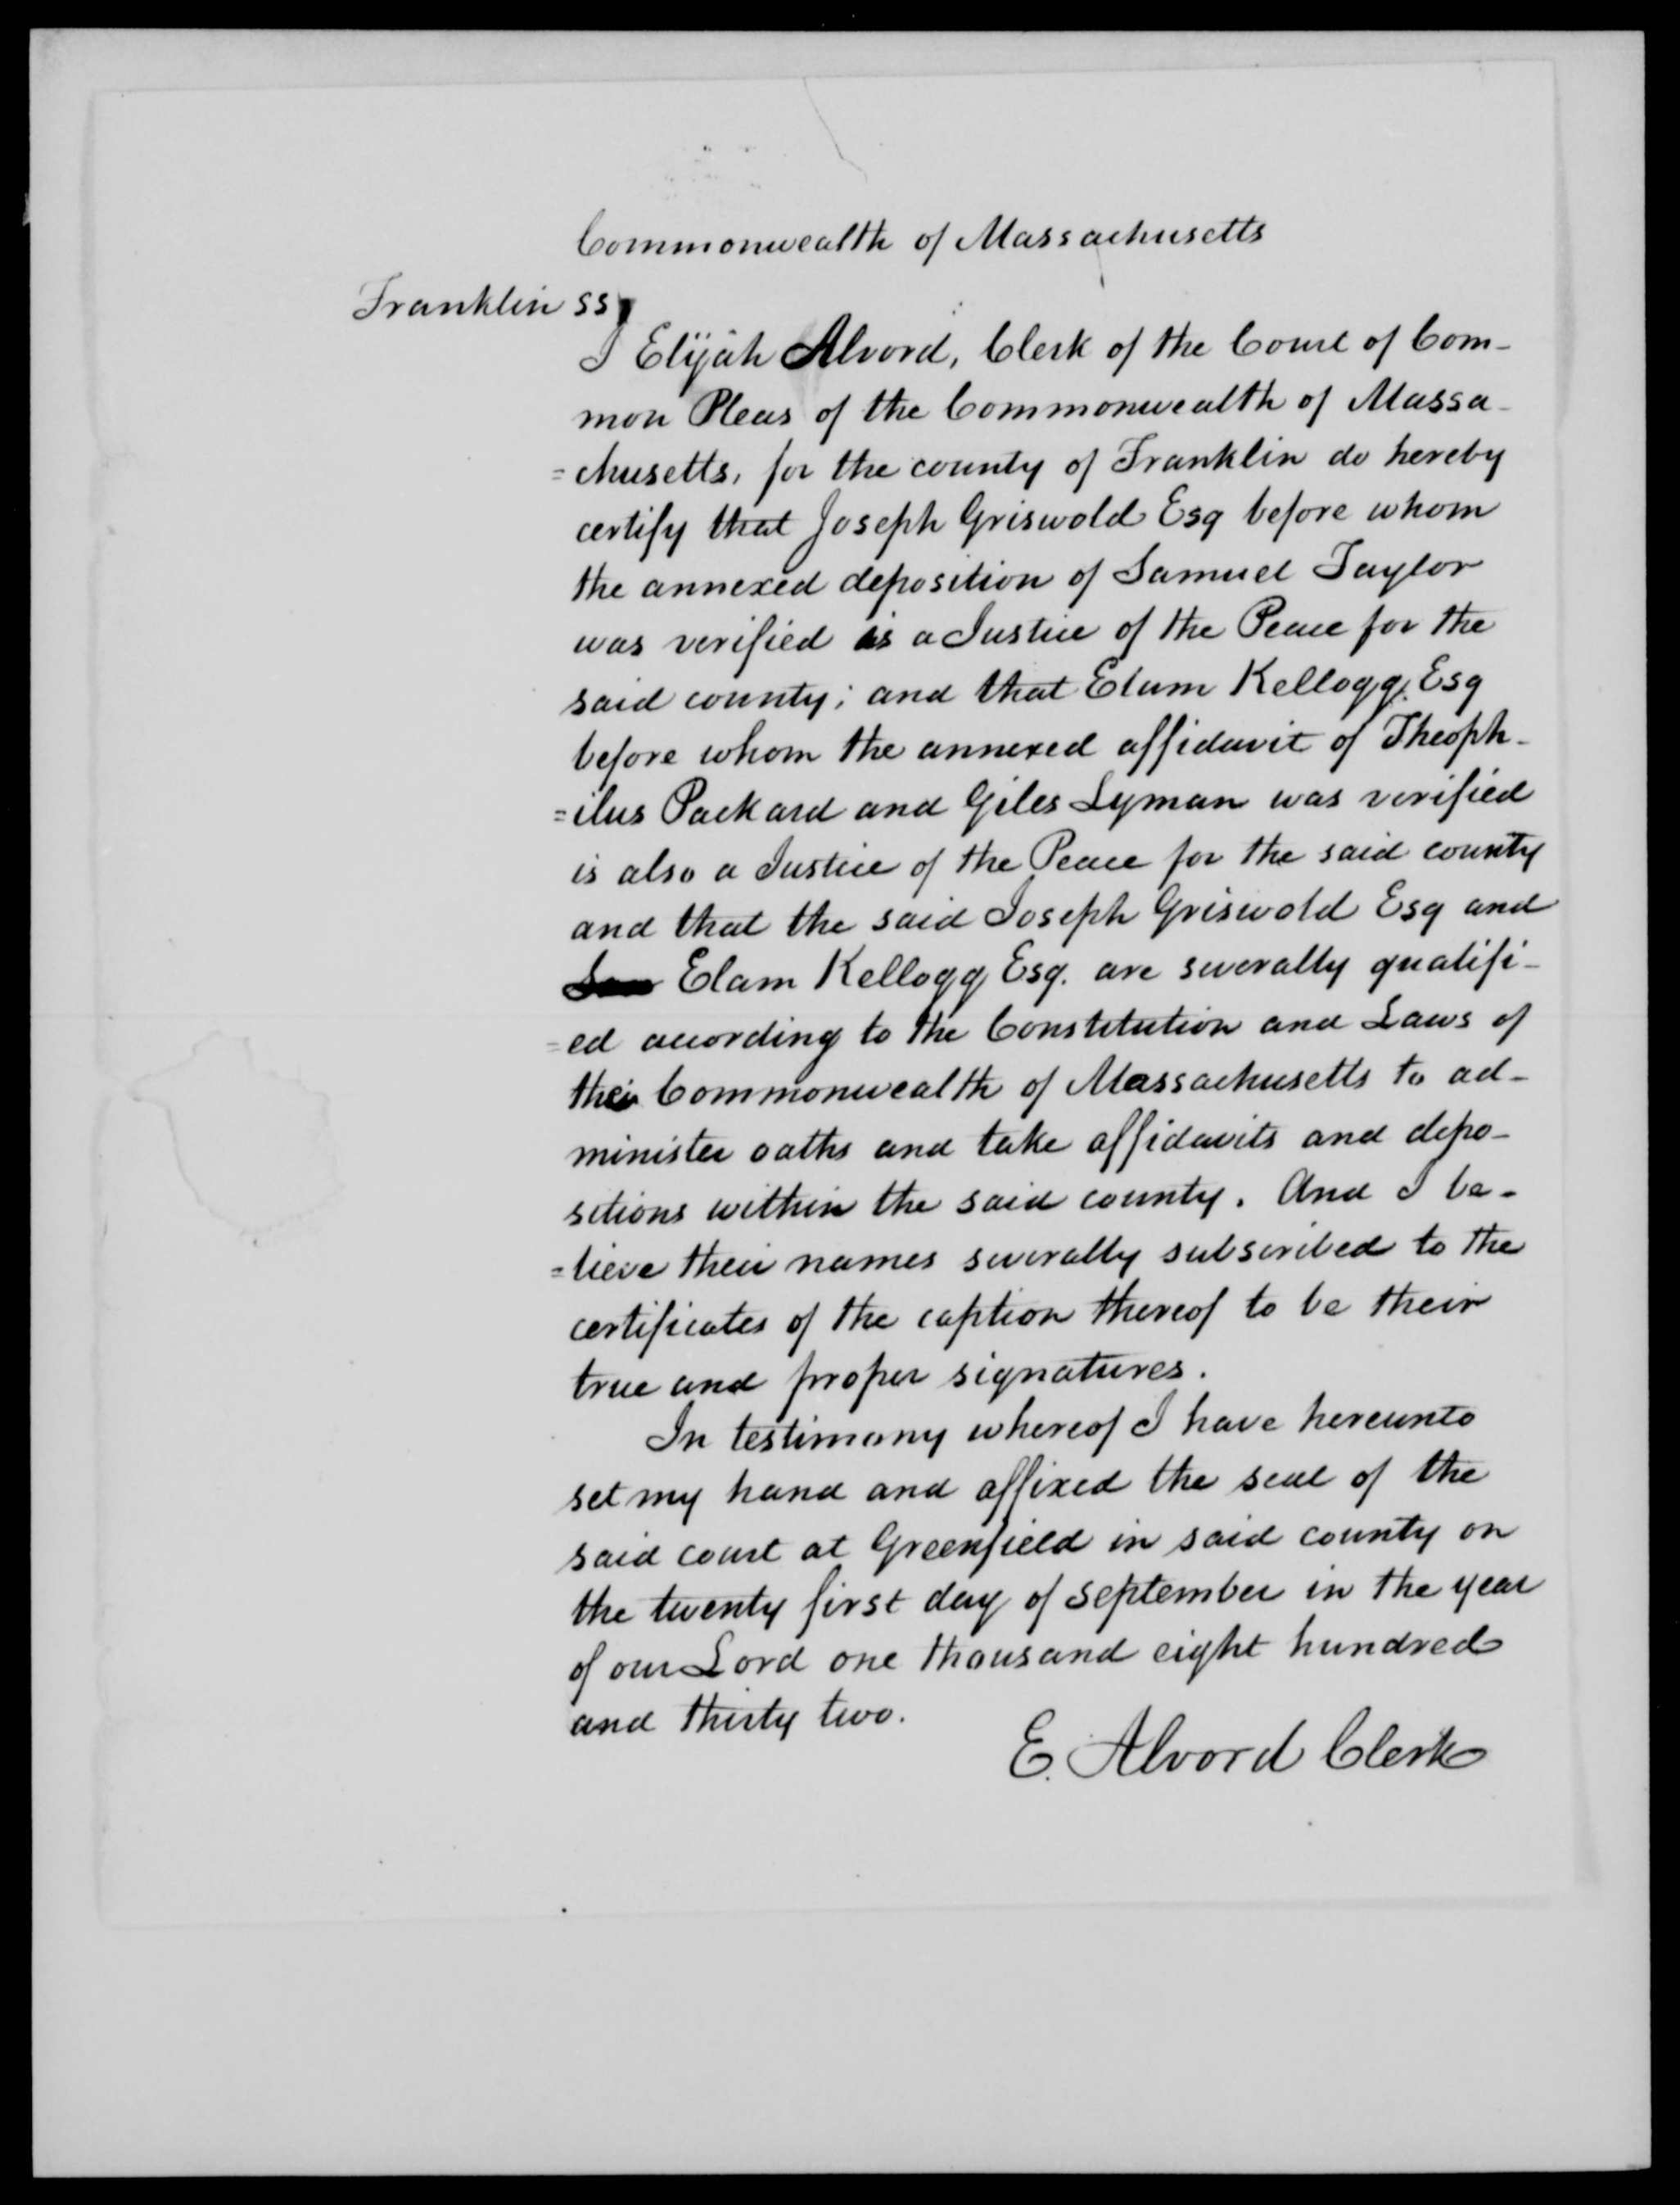Commonwealth of Massachusetts
Franklin SS

I Elijah Alvord, Clerk of the Court of Common Pleas of the Commonwealth of Massachusetts, for the County of Franklin do hereby certify that Joseph Griswold Esq before whom the annexed deposition of Samuel Taylor was verified is a Justice of the Peace for the said county; and that Elam Kellogg Esq before whom the annexed affidavit of Theophilus Packard and Giles Lyman was verified is also a Justice of the Peace for the said County and that the said Joseph Griswold Esq and Elam Kellogg Esq. are severally qualified according to the Constitution and Laws of the Commonwealth of Massachusetts to administer oaths and take affidavits and depositions within the said county. And I believe their names severally subscribed to the certificate of the caption thereof to be their true and proper signatures 

In testimony whereof I have hereunto set my hand and affixed the seal of the said court at Greenfield in said county on the twenty first day of September in the year of our Lord one thousand eight hundred and thirty two 
E. Alvord Clerk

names: Joseph Griswold; Samuel Taylor; Elijah Alvord; Joseph Griswold; Elam Kellogg; Giles Lyman; Theophilus Packard; E Alvord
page: 15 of 18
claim: survivor's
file: S. 18,605, for Samuel Smead, Massachusetts